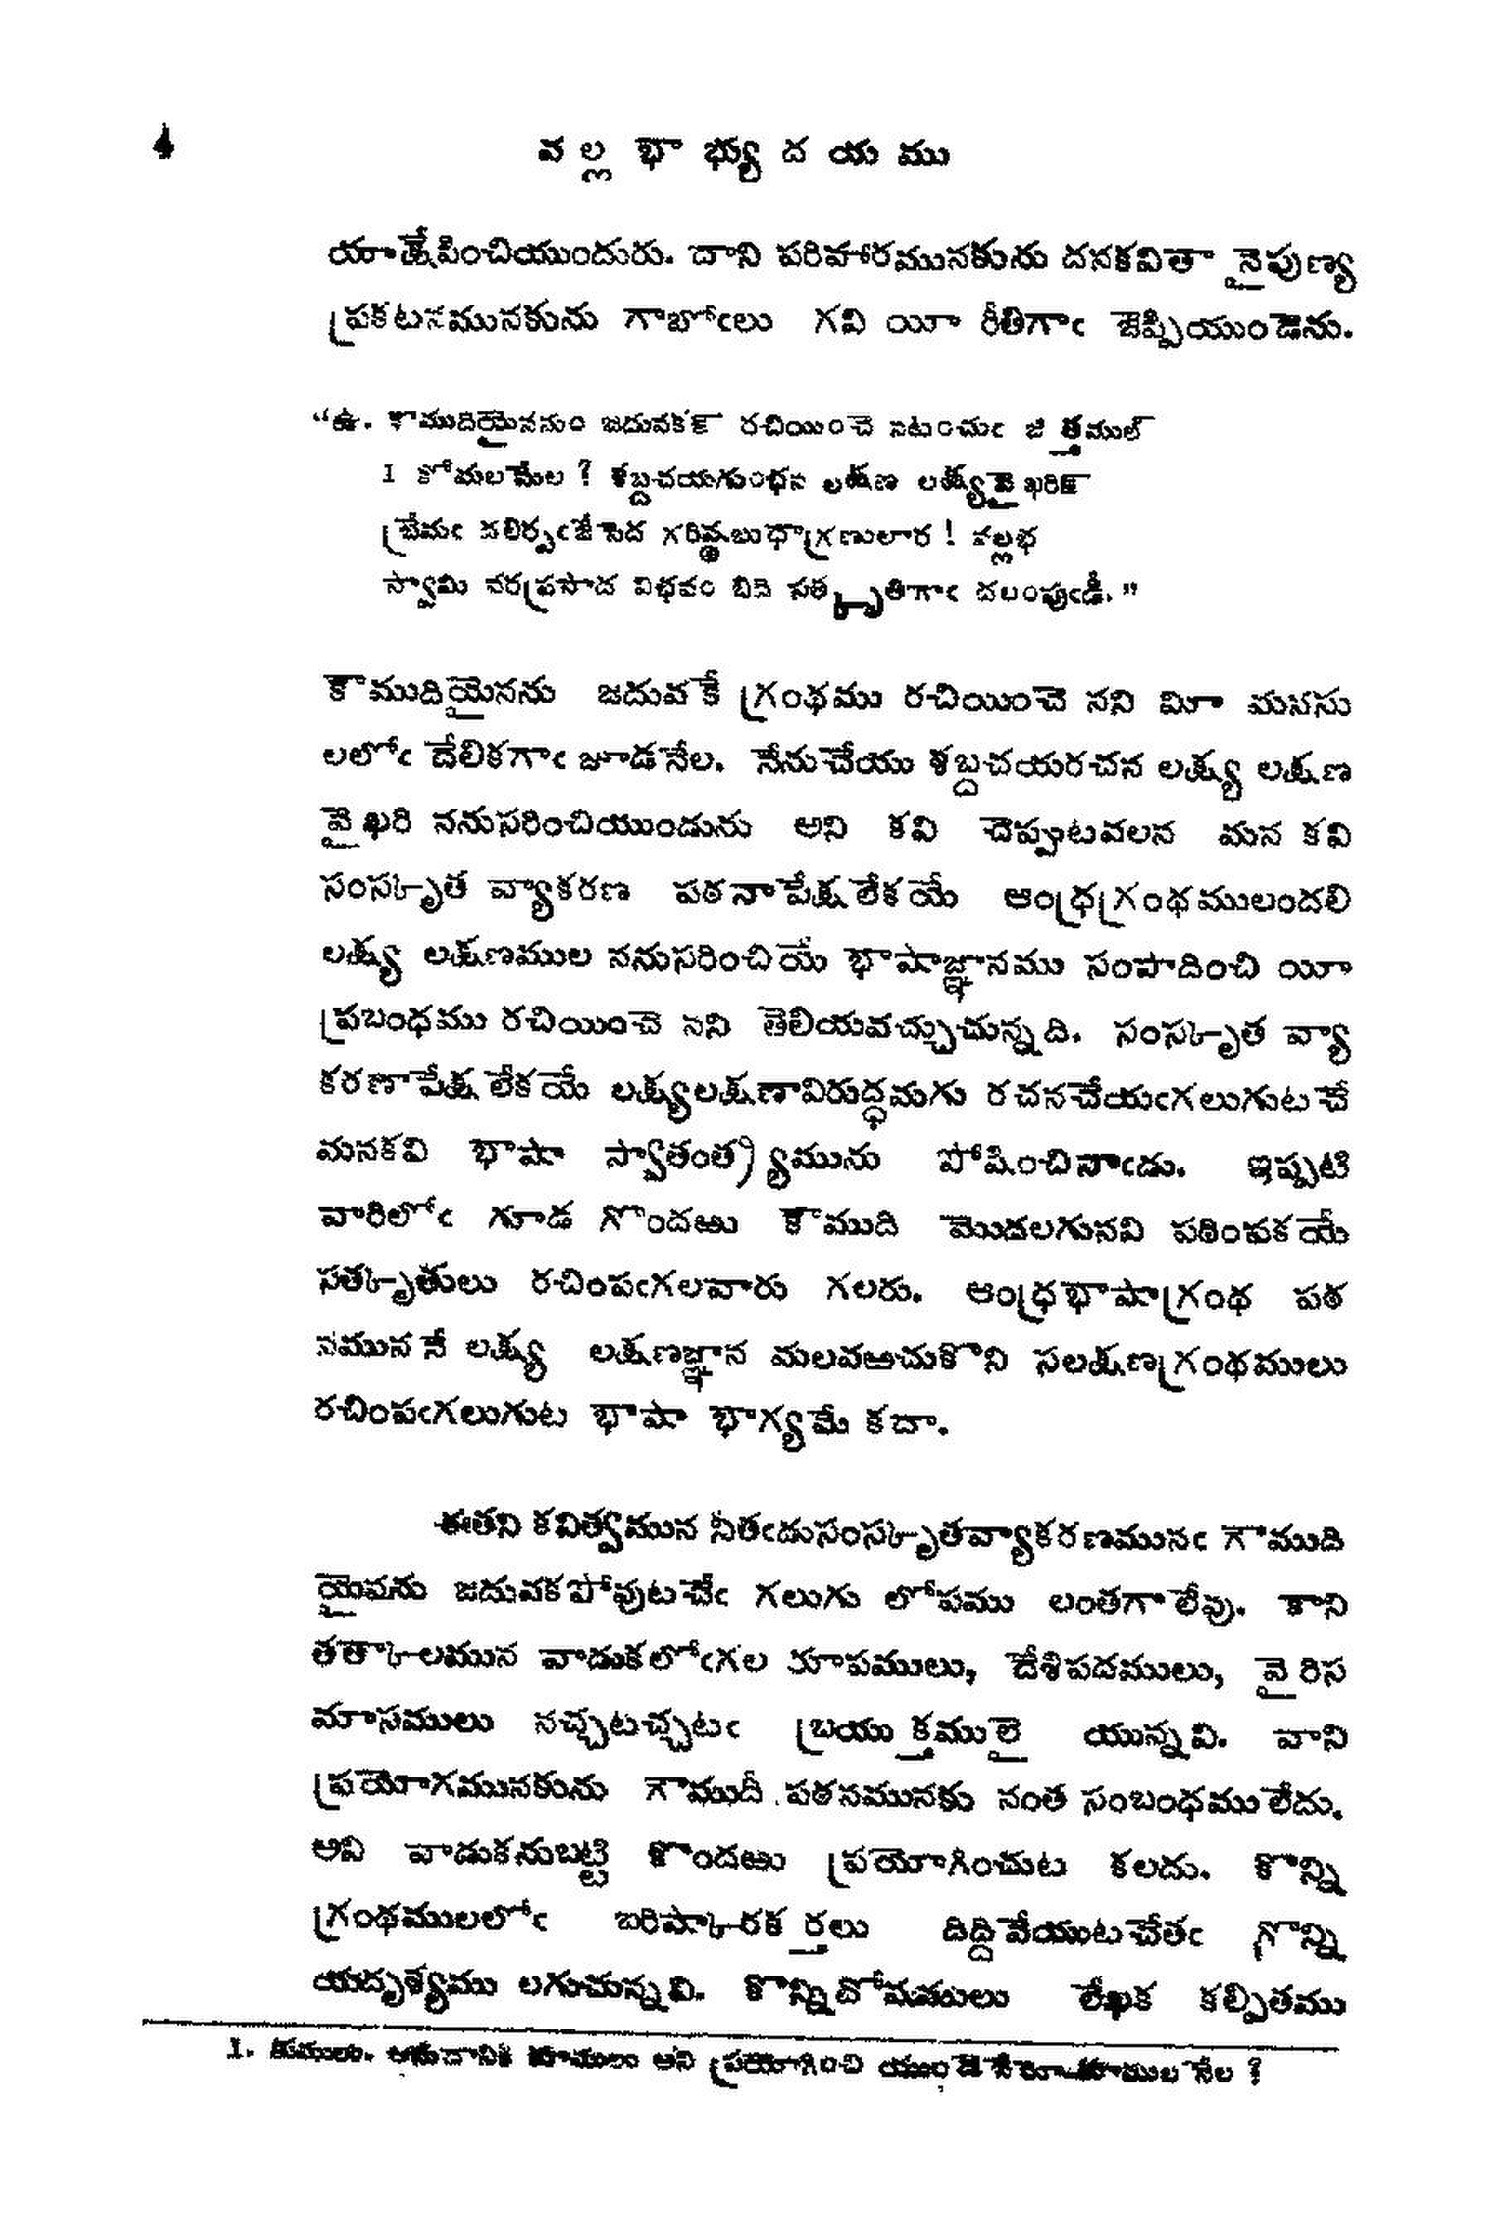యాక్షేపించియుందురు. దాని పరిహారమునకును దనకవితా నైపుణ్య ప్రకటనమునకును గాబోఁలు గవి యీ రీతిగాఁ జెప్పియుండెను.

"ఉ. కౌముదియైననుం జదువకన్ రచియించె నటంచుఁ జిత్తముల్
1 కోమలమేల ? శబ్దచయగుంభన లక్షణ లక్ష్యవైఖరిన్
బ్రేమఁ దలిర్పఁజేసెద గరిష్ఠ బుధాగ్రణులార! వల్లభ
స్వామి వరప్రసాద విభవం బిది సత్కృతిగాఁ దలంపుఁడీ. "

కౌముదియైనను జదువకే గ్రంథము రచియించె నని మీ మనసులలోఁ దేలికగాఁ జూడ నేల, నేను చేయు శబ్ద చయరచన లక్ష్య లక్షణ వైఖరి ననుసరించియుండును అని కవి చెప్పుటవలన మన కవి సంస్కృత వ్యాకరణ పఠనాపేక్ష లేకయే ఆంధ్రగ్రంథములందలి లక్ష్య లక్షణముల ననుసరించియే భాషాజ్ఞానము సంపాదించి యీ ప్రబంధము రచియించె నని తెలియవచ్చుచున్నది. సంస్కృత వ్యాకరణాపేక్ష లేకయే లక్ష్యలక్షణా విరుద్ధమగు రచన చేయఁగలుగుట చే మనకవి భాషా స్వాతంత్య్రమును పోషించినాఁడు. ఇప్పటి వారిలోఁ గూడ గొందఱు కౌముది మొదలగునవి పఠించకయే సత్కృతులు రచింపఁగలవారు గలరు. ఆంధ్రభాషా గ్రంథ పఠనముననే లక్ష్య లక్షణజ్ఞాన మలవఱచుకొని సలక్షణ గ్రంథములు
రచింపఁగలుగుట భాషా భాగ్యమే కదా.

ఈతని కవిత్వమున నీతఁడు సంస్కృత వ్యాకరణముసఁ గౌముది యైనను జడువక పోవుటచేఁ గలుగు లోపము లంతగా లేవు. కాని తత్కాలమున వాడుకలోఁగల రూపములు, దేశిపదములు, వైరిస మాసములు నచ్చటచ్చటఁ బ్రయుక్తములై యున్నవి. వాని ప్రయోగమునకును గౌముదీ పఠనమునకు నంత సంబంధము లేదు. అని వాడుకనుబట్టి కొందఱు ప్రయోగించుట కలదు. కొన్ని గ్రంథములలోఁ బరిష్కా రకర్తలు దిద్ది వేయుట చేతఁ గొన్ని యదృశ్యము లగుచున్నవి. కొన్ని దోషములు లేఖక కల్పితము